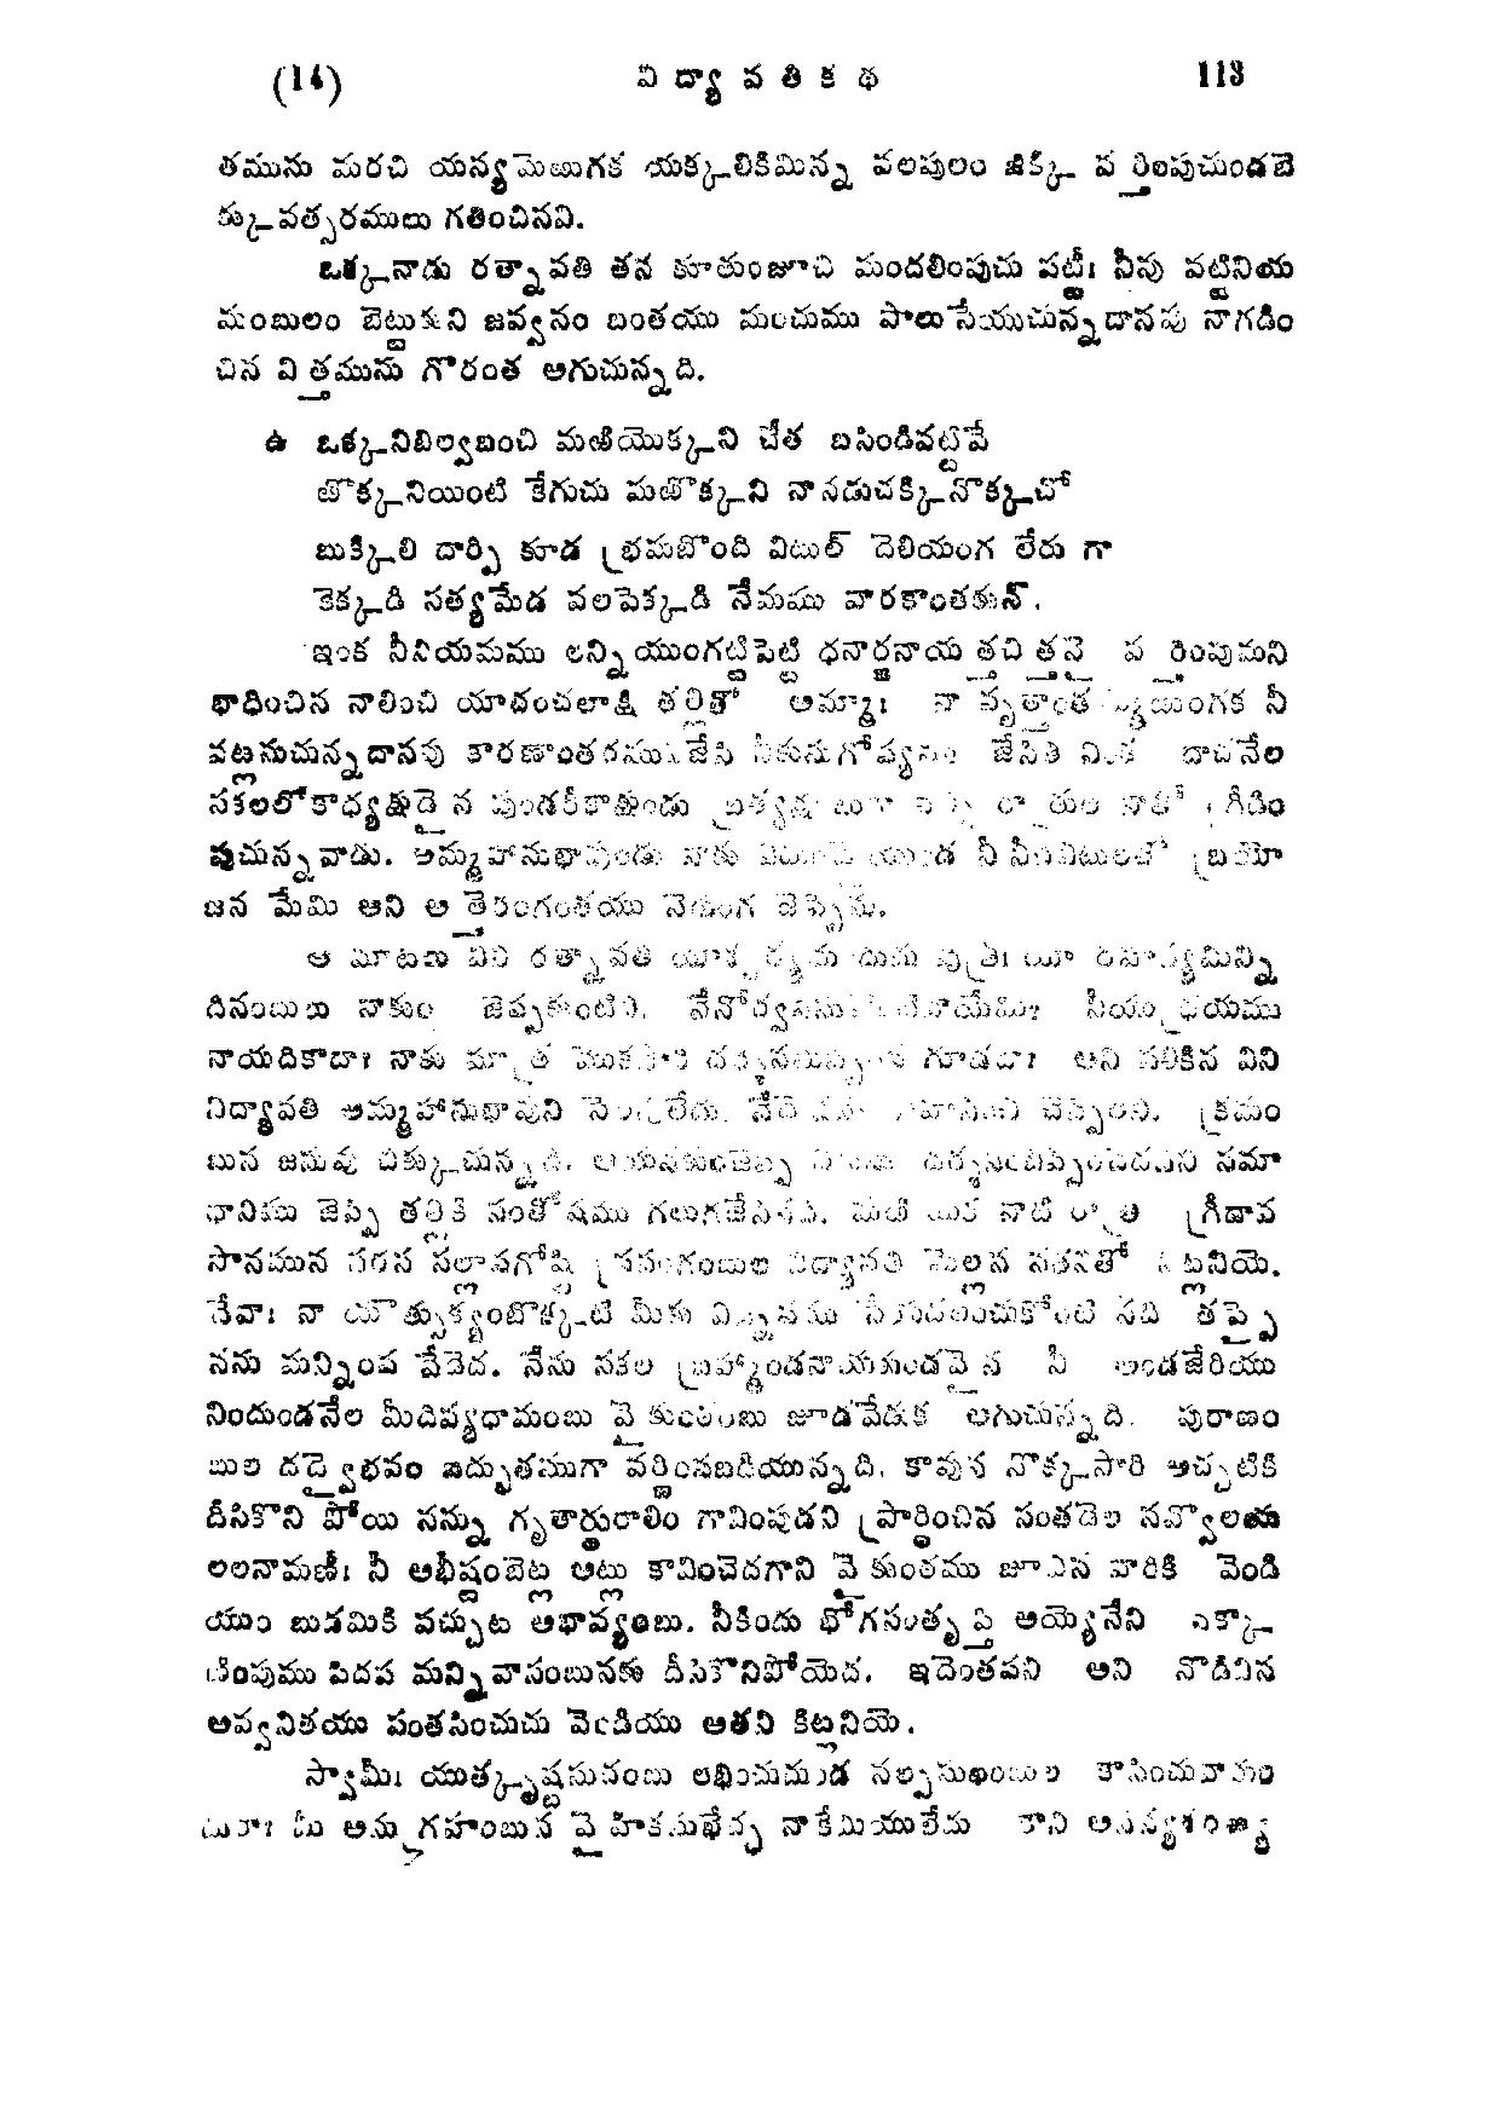తమును మరచి యన్య మెఱుగక యక్కలికిమిన్న వలపులం జిక్కి వర్తింపుచుండ బెక్కు వత్సరములు గతించినవి.

ఒక్కనాడు రత్నావతి తన కూతుంజూచి మందలింపుచు పట్టీ! నీవు వట్టినియమంబులం బెట్టుకుని జవ్వనం బంతయు మంచుము పాలుసేయుచున్నదానవు నాగడించిన విత్తమును గొరంత అగుచున్నది.

ఉ. ఒక్కనిబిల్వబంచి మఱియొక్కని చేత బసిండివట్టివే
 ఱొక్కనియింటి కేగుచు మఱొక్కని నానడుచక్కి నొక్కచో
 బుక్కిలి దార్పి కూడ భ్రమబొంది విటుల్ దెలియంగ లేరు గా
 కెక్కడి సత్యమేడ వలపెక్కడి నేమము వారకాంతకున్.
ఇంక నీనియమము లన్నియుంగట్టిపెట్టి ధనార్జనాయత్తచిత్తనై వర్తింపుమని భాధించిన నాలించి యాచంచలాక్షి తల్లితో అమ్మా! నా వృంత్తాత మ్మెఱుంగక నీవట్లనుచున్నదానవు కారణాంతరమునుజేసి నీకును గోప్యము జేసితి నింక దాచనేల సకలలోకాధ్యక్షుడైన పుండరీకాక్షుండు బ్రత్యక్షంబుగా నన్నిరాత్రుల నాతో గ్రీడింపుచున్నవాడు. అమ్మహానుభావుండు నాకు విదుకాడై యుం నీ నీచవిటులతో బ్రయోజన మేమి అని అత్తెఱం గంతయు నెరుంగ చెప్పెను.

ఆ మాటలు విని రత్నావతి యాశ్చర్య మందుచు పుత్రీ! యీరహస్య మిన్నిదినంబులు నాకుఁ జెప్పకుంటివి. నేనోర్వననుకొంటివా యేమి? నీయధ్రయము నాయదికాదా? నాకు మాత్ర మొకసారి దర్శన మిప్పింపగూడదా? అని పలికిన విని విద్యావతి అమ్మహానుభావుని సెలవు లేదు. నేడే ..సాహసినని చెప్పతిని. క్రమంబున జనువు చిక్కుచున్నది. ఆయనకుం జెప్పి నీకు దర్శనమిప్పించెదనని సమాధానము చెప్పి తల్లికి సంతోషము గలుగ జేసినదీ. మఱి యొకనాటిరాత్రి గ్రీడావసానమున సరససల్లాపగోష్ఠి ప్రసంగంబుల విద్యావతి మెల్లన నతనితో నిట్లనియె. దేవా! నా యౌత్సుక్యంబొక్కటి మీకు విన్నపము సేయదలచుకొంటి నది తప్పైనను మన్నింప వేడెద. నేను సకలబ్రహ్మాండనాయకుండవైన నీయండజేరియు నిందుండనేల మీదివ్యధామంబు వైకుంఠంబు జూడ వేడక అగుచున్నది. పురాణంబుల దద్వైభవం బద్భుతముగా వర్ణింపబడియున్నది. కావున నొక్కసారి అచ్చటికి దీసికొని పోయి నన్ను గృతార్థురాలిం గావింపుడని ప్రార్ధించిన నతం డెలనవ్వొలయ లలనామణీ! నీ అభీష్టంబెట్ల అట్లు కావించెద గాని వైకుంఠము జూసినవారికి వెండియుం బుడమికి వచ్చుట అభావ్యంబు. నీకిందు భోగసంతృప్తి అయ్యెనేని వక్కాణింపుము పిదప మన్నివాసంబునకు దీసికొనిపోయెద. ఇదెంతపని అని నొడివిన అవ్వనితయు పంతసించుచు వెండియు అతని కిట్లనియె.

స్వామీ! యుత్కృష్టసుఖంబు లభించుచుండ నల్పసుఖంబుల కాసించువారుందురా? మీ అనుగ్రహంబున వైహికసుభేచ్ఛ నా కేమియు లేదు. కాని అనన్యశరణ్య